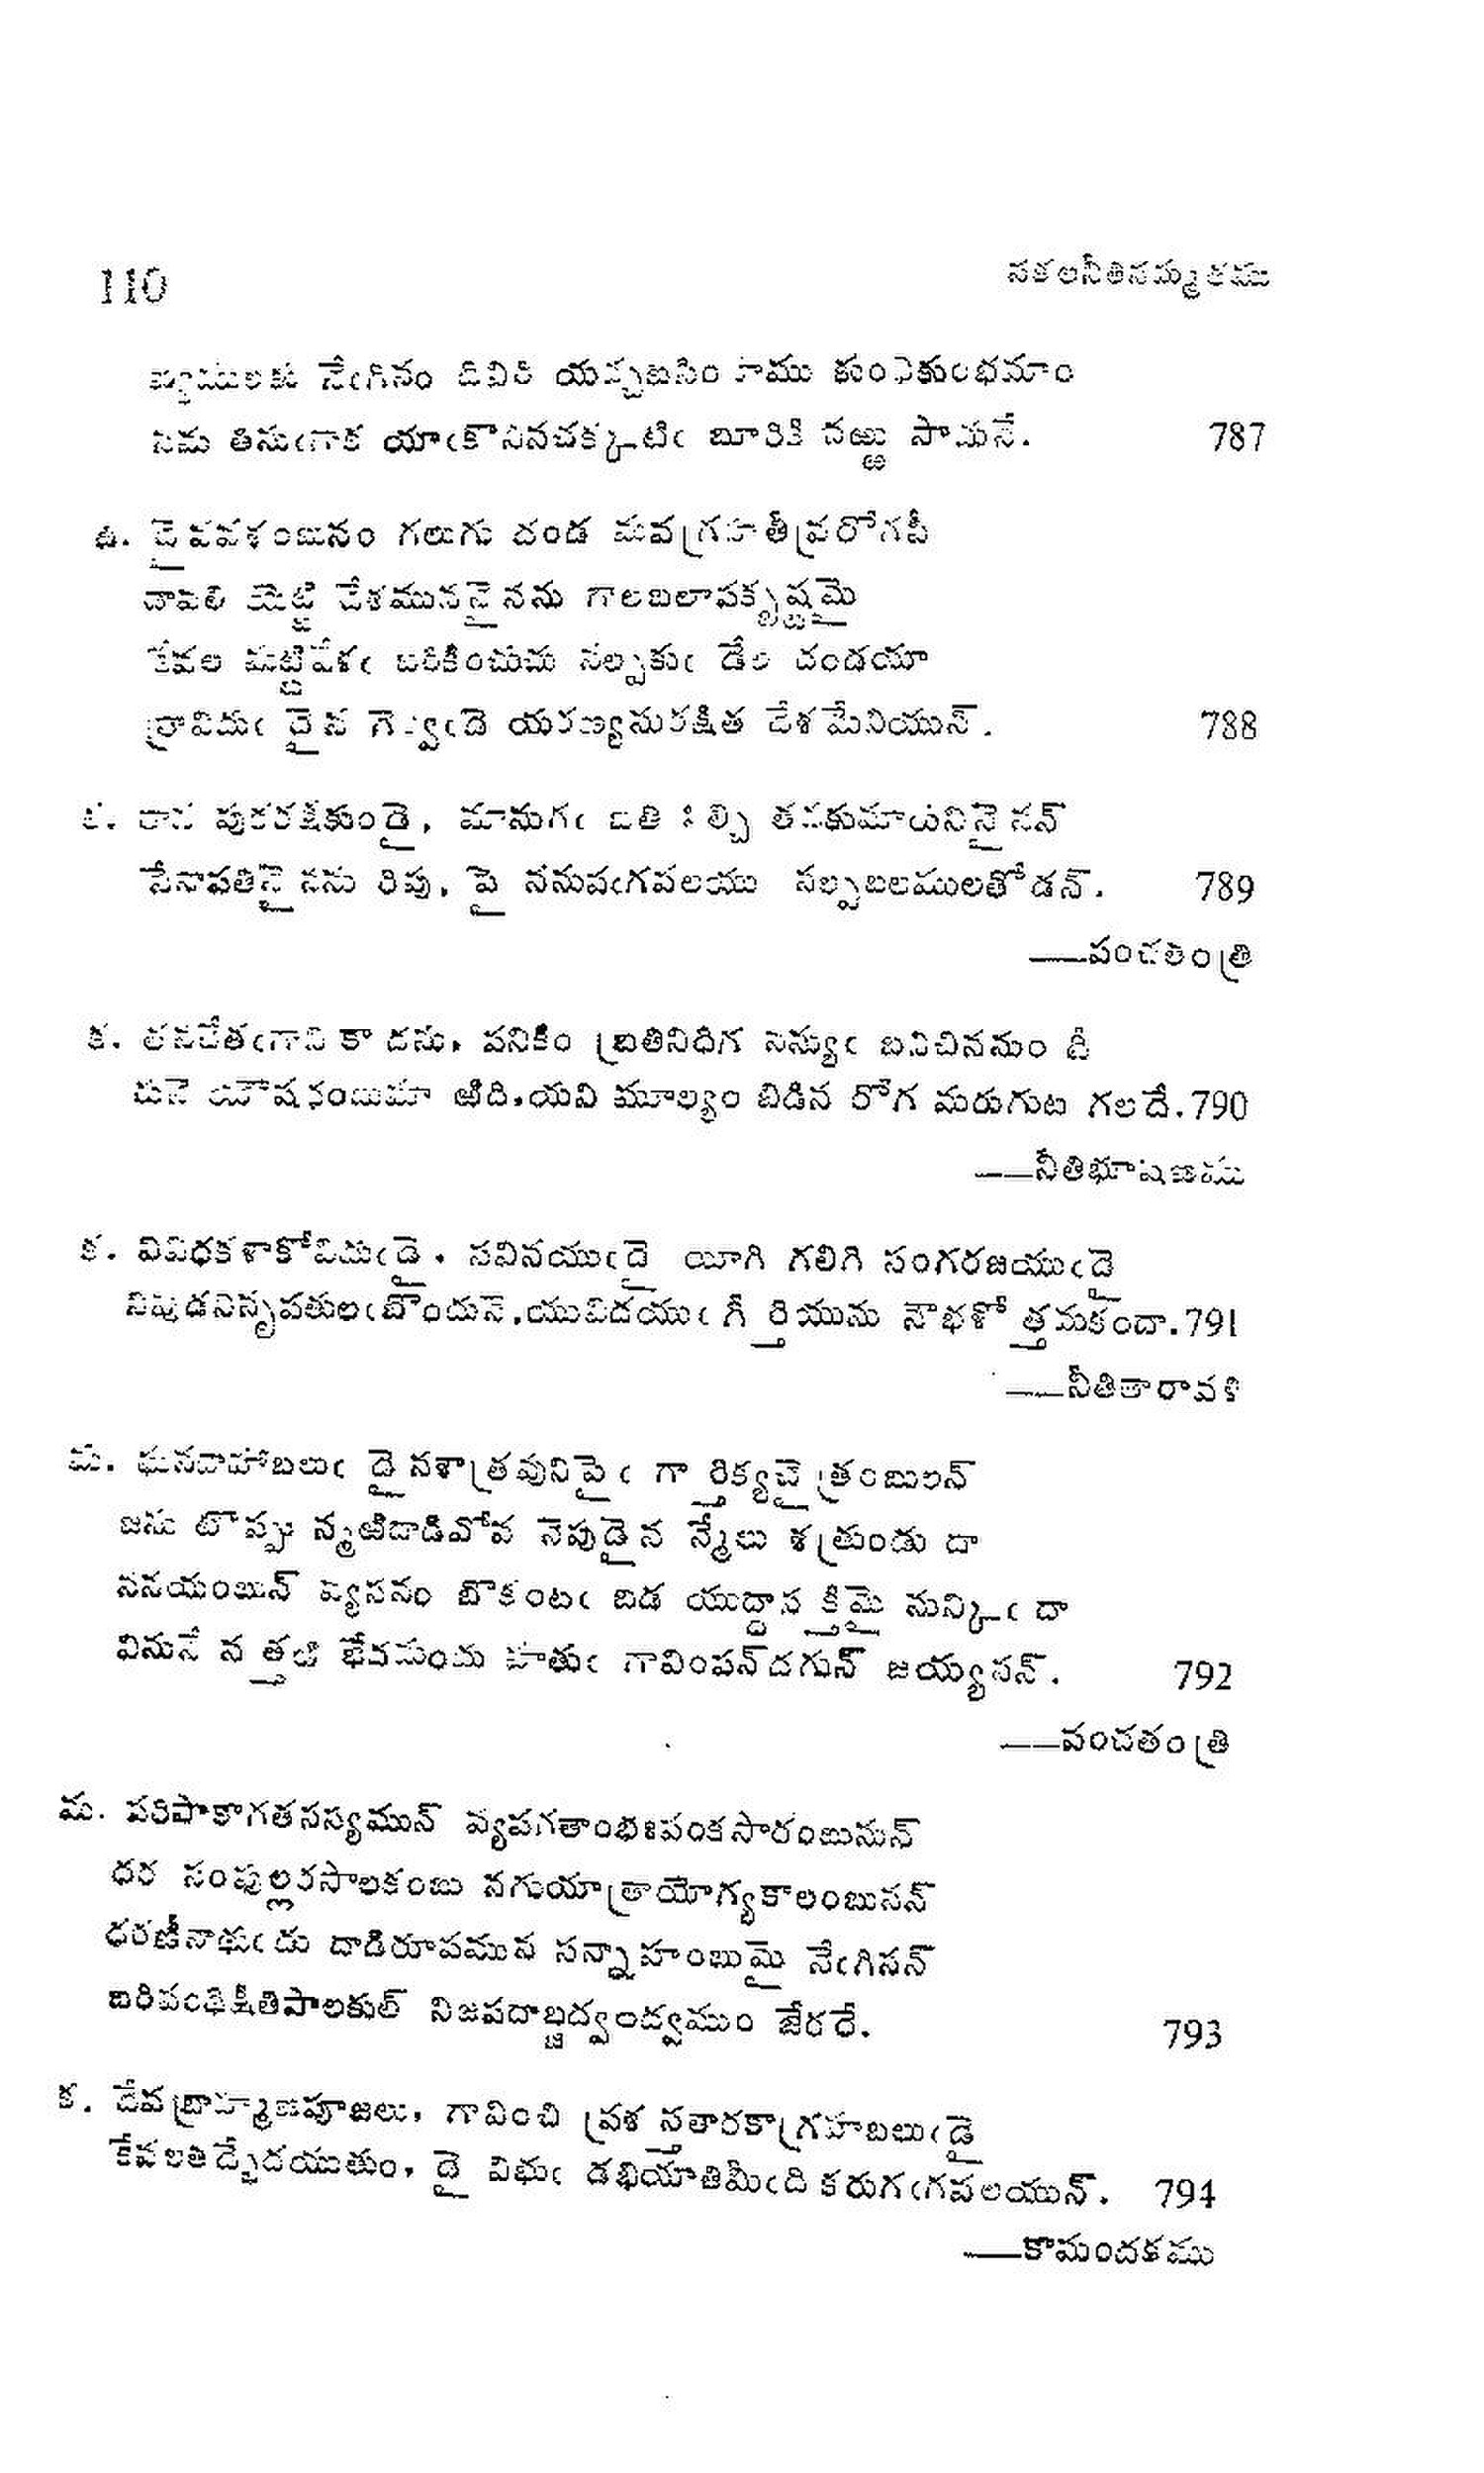ణ్యములకు నేఁగినం దివిరి యచ్చటిసింహము కుంభికుంభమాం
సమ తినుఁగాక యాఁకొనిన చక్కటిఁ బూరికి నఱ్ఱు సాదునే. 787

ఉ. దైవవశంబునం గలుగు దండ మవగ్రహతీవ్రరోగపీ
డావలి యెట్టి దేశమునైనను గాలబలాపకృష్టమై
కేవల మట్టివేళఁ బరికించుచు నల్పకుఁ డేల దండయా
త్రావిదుఁ డైన గెల్వఁడె యరణ్యసురక్షిత దేశమేనియున్. 788

క. తనచేతఁగాని కా దను
పనికిం బ్రతినిధిగ నన్యుఁ బనిచిననుం దీ
రునె యౌషధంబుమా ఱిది
యని మూల్యం బిడిన రోగ మరుగుట గలదే. 789

క. తనచేతఁగాని కాదను
పనికిం బ్రతినిదిగ నన్యుఁ బనిచిననుం దీ
రునె యౌషధంబు మా ఱిది
యని మూల్యం బిడిన రోగ మరుగుట గలదే. 790

క. వివిధకళాకోవిదుఁడై
సవినయుఁడై యీగి గలిగి సంగరజయుఁడై
నివుడనినృపతులఁ బొందునె
యువిదయుఁ గీర్తియును నౌభళోత్తమకందా. 791

మ. ఘనబాహాబలుఁ డైన శాత్రవునిపైఁ గార్తిక్యచైత్రంబులన్
జను టొప్పు న్మఱిదాడివోవ నెపుడైన న్మేలు శత్రుండు దా
ననయంబునన్ వ్యసనం బొకంటఁ బడ యుద్ధాసక్తిమై నున్కిఁదా
వినునే నత్తఱి భేదమందు హతుఁ గావింపన్ దగున్ జయ్యనన్. 792

మ. పరిపాకాగతసస్యమున్ వ్యపగతాంభఃపంకసారంబునున్
ధర సంపుల్లరసాలకంబు నగు యాత్రాయోగ్యకాలంబునన్
ధరణీనాథుఁడు దాడిరూపమున సన్నాహంబుమై నేఁగినన్
బరిపంథిక్షితిపాలకుల్ నిజపదాబ్జద్వంద్వముం జేరరే. 793

క. దేవబ్రాహ్మణపూజలు
గావించి ప్రశస్తతారకాగ్రహబలుఁడై
కేవలతద్భేదయుతుం
డై విభుఁ డభియాతిమీఁది కరుగఁగవలయున్. 794